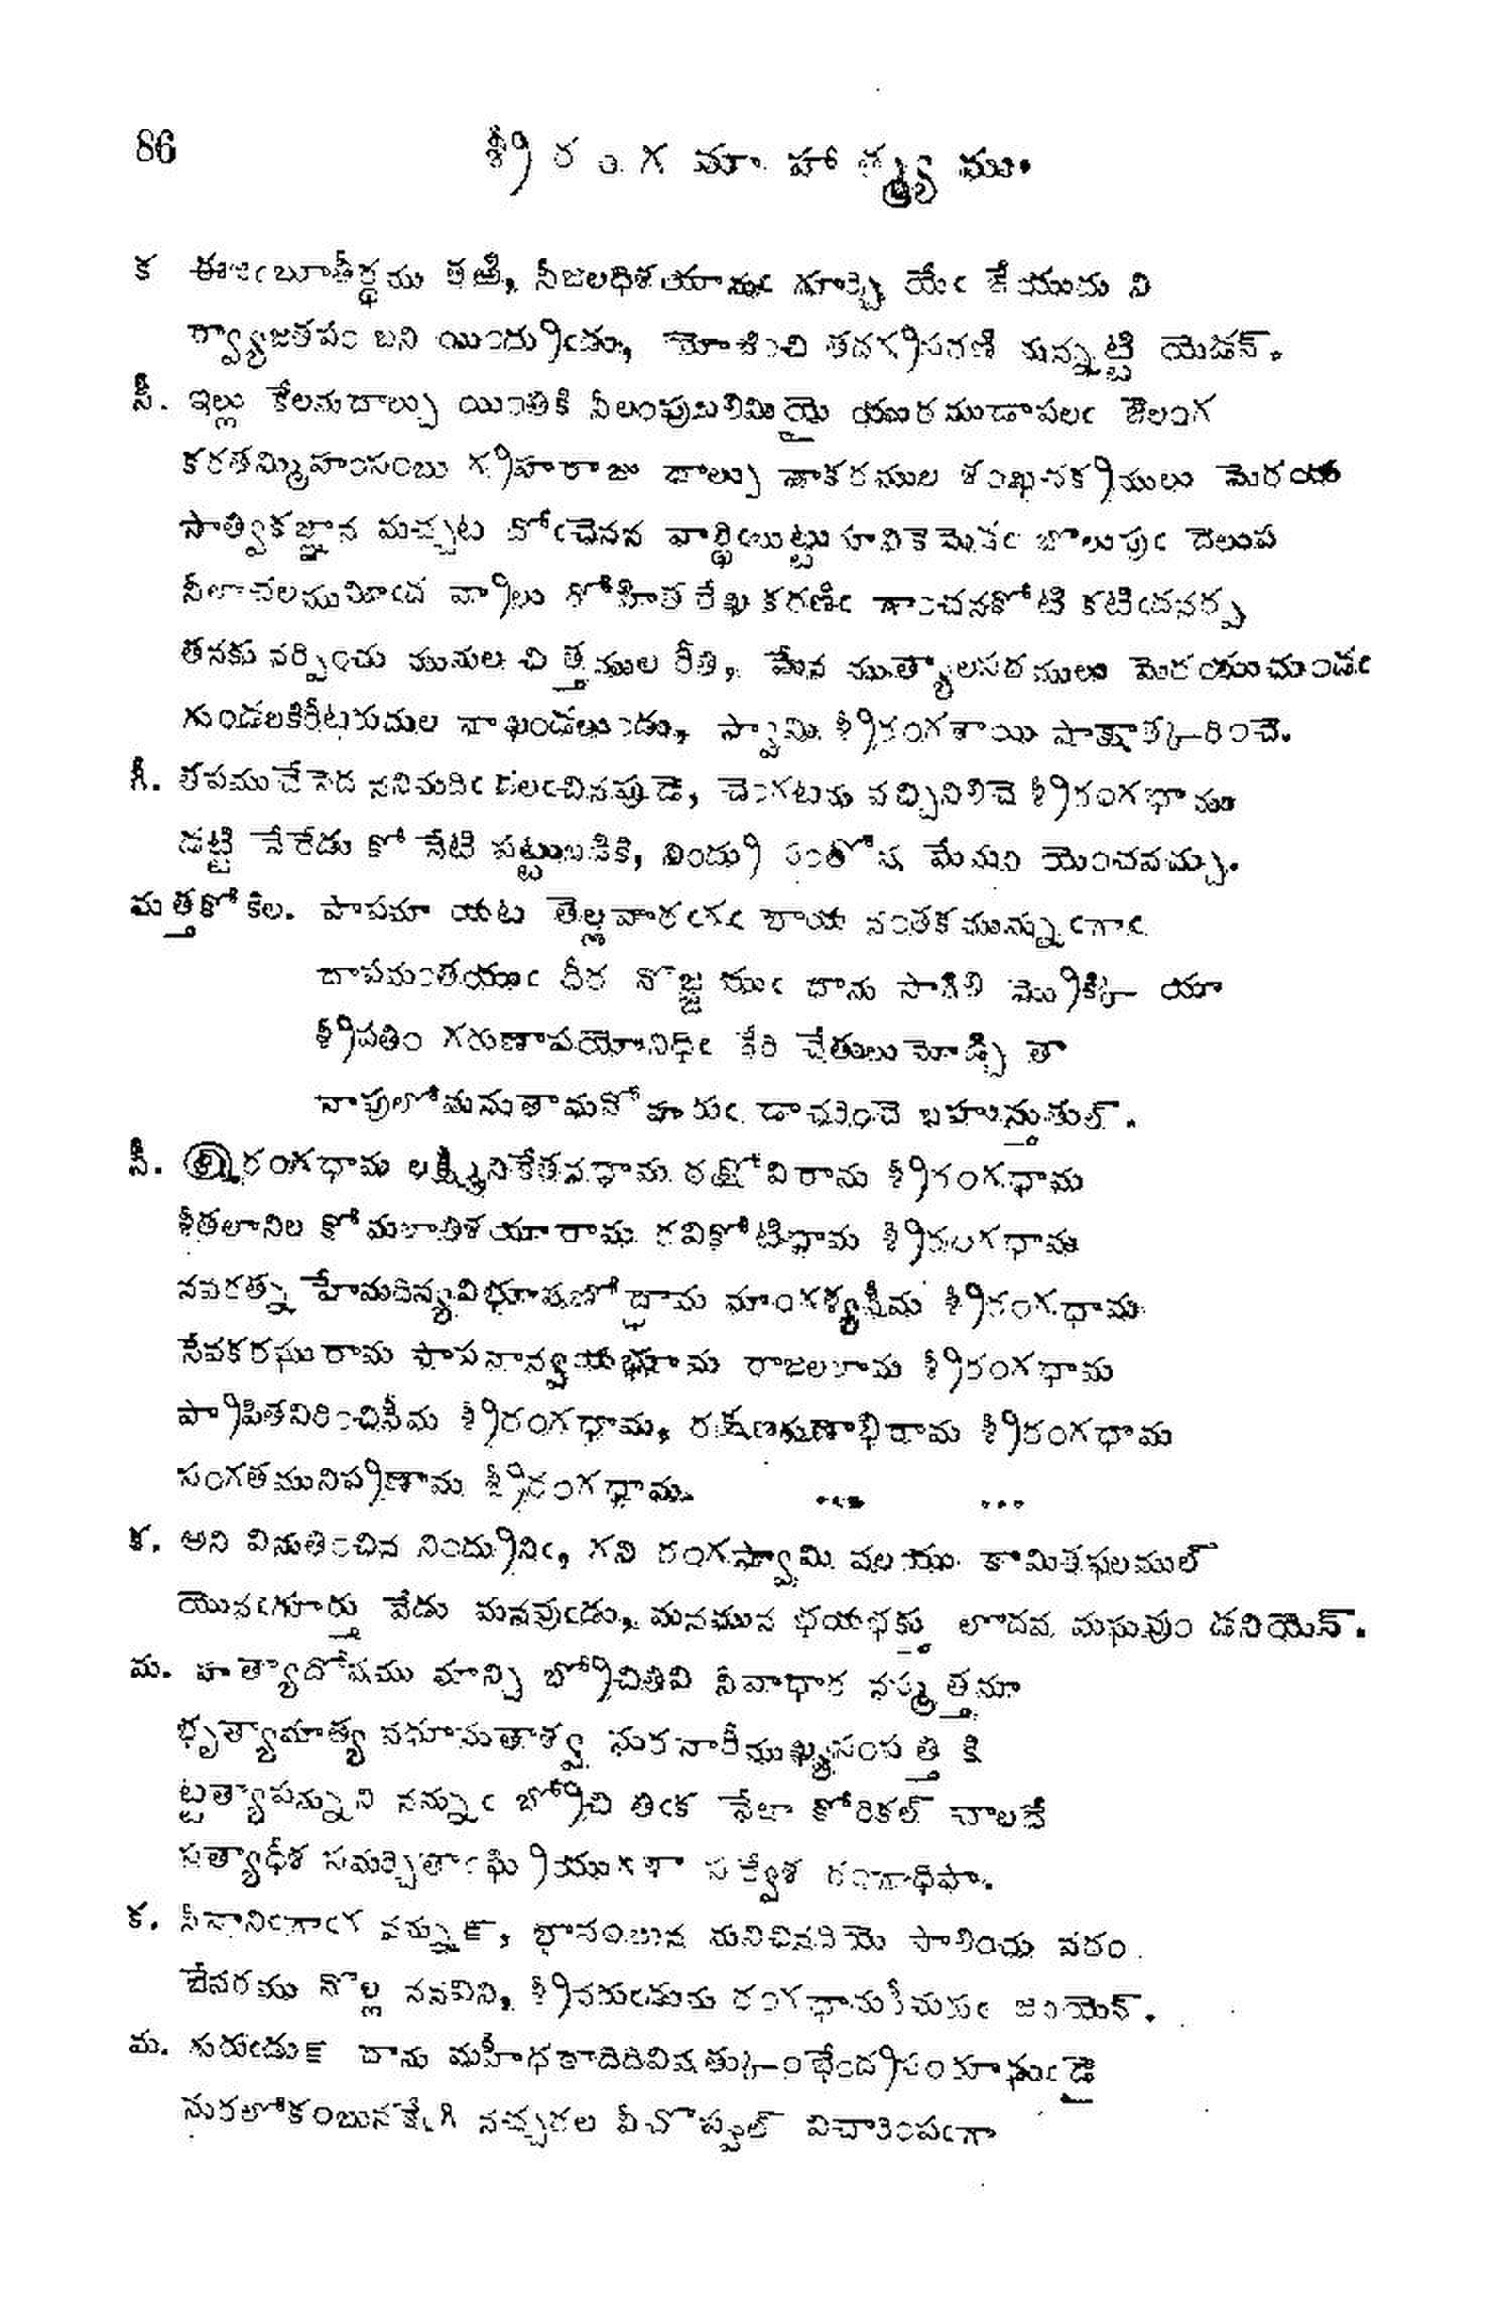క. ఈజిఁబూతీర్థము తఱి, నీజలధిశయానుగూర్చి యేఁ జేయుదు ని
 ర్వ్యాజతపం బని యింద్రుఁడు, యోజించి తదగ్రసరణి నున్నట్టి యెడన్.
సీ. ఇల్లు కేలనుదాల్చు యింతికి నీలంపుబలిమియై యురముడాపలఁ జెలంగ
క రతమ్మిహంసంబు గ్రహరాజు ధాల్పు వాకరముల శంఖచక్రములు మెరయ
 సాత్వికజ్ఞాన మచ్చట దోఁచెనన వార్థిఁబుట్టుగూనికెమెడఁ బొలుపుఁ దెలుప
 నీలాచలముమీఁద వ్రాలు రోహితరేఖకరణిఁ గాంచనకోటి కటిఁదనర్ప
 తనకు నర్పించు మునుల చిత్తముల రీతి, మేన ముత్యాలసరములు మెరయుచుండ
 గుండలకిరీటరుచుల నా ఖండలుండు, స్వామి శ్రీరంగశాయి సాక్షాత్కరించె.
గీ. తపము చేసెద ననిమదిఁ దలచినపుడె, చెంగటకు వచ్చినిలిచె శ్రీరంగధాము
 డట్టి నేరేడు కోనేటి పట్టుబడికి, నింద్రు సంతోష మేమని యెంచవచ్చు.
మత్తకోకిల. పాపమా యట తెల్లవారఁగఁ బాయ నంతకమున్నుఁగాఁ
 దాపమంతయుఁ దీర నొజ్జయుఁ దాను సాగిలి మ్రొక్కి యా
 శ్రీపతిం గరుణాపయోనిధిఁ జేరి చేతులు మోడ్చి తా
 నాపులోమనుతామనోహరుఁ డాచరించె బహుస్తుతుల్.
సీ. శ్రీరంగధామ లక్ష్మీనికేతనధామ రక్షోవిరామ శ్రీరంగధామ
 శీతలానిల కోమలాతిశయారామ రవికోటిధామ శ్రీరంగధామ
 నవరత్న హేమదివ్యవిభూషుణోద్ధామ మాంగళ్యసీమ శ్రీరంగధామ
 సేవకరఘురామ పావనాన్వయభూము రాజలలామ శ్రీరంగధామ
 ప్రాపితవిరించిసీమ శ్రీరంగధామ, రక్షణగుణాభిరామ శ్రీరంగధామ
 సంగతమునిప్రణామ శ్రీరంగధామ, ........................
క. అని వినుతించిన నింద్రునిఁ, గని రంగస్వామి వలయు కామితఫలముల్
 యొనఁగూర్తు వేడు మనవుఁడు, మనమున భయభక్తు లొదవ మఘవుం డనియెన్.
మ. హత్యాదోషము మాన్పి బ్రోచితివి నీవాధార నస్మత్తనూ
 భృత్యామాత్యా వధూనుతాశ్వ సురనారీముఖ్యసంపత్తి కి
 ట్టత్యాపన్నుని నన్నుఁ బ్రోచి తిఁక నేలా కోరికల్ చాలదే
 సత్యాధీశ సమర్చితాంఘ్రియుళా సర్వేశ రంగాధిపా.
క. నీవానిఁ గాఁగ నన్నున్, భావంబున నునిచినదియె పాలించు వరం
 బేవరము నొల్ల ననవిని, శ్రీవరుఁడును రంగధామసీమకుఁ జనియెన్.
మ. గురుఁడున్ దాను మహీధరాదిదివిషత్కుంభేంద్రసంరూఢుఁడై
 సురలోకంబున కేఁగి నచ్చరల వీ చొప్పుల్ విచారింపఁగా